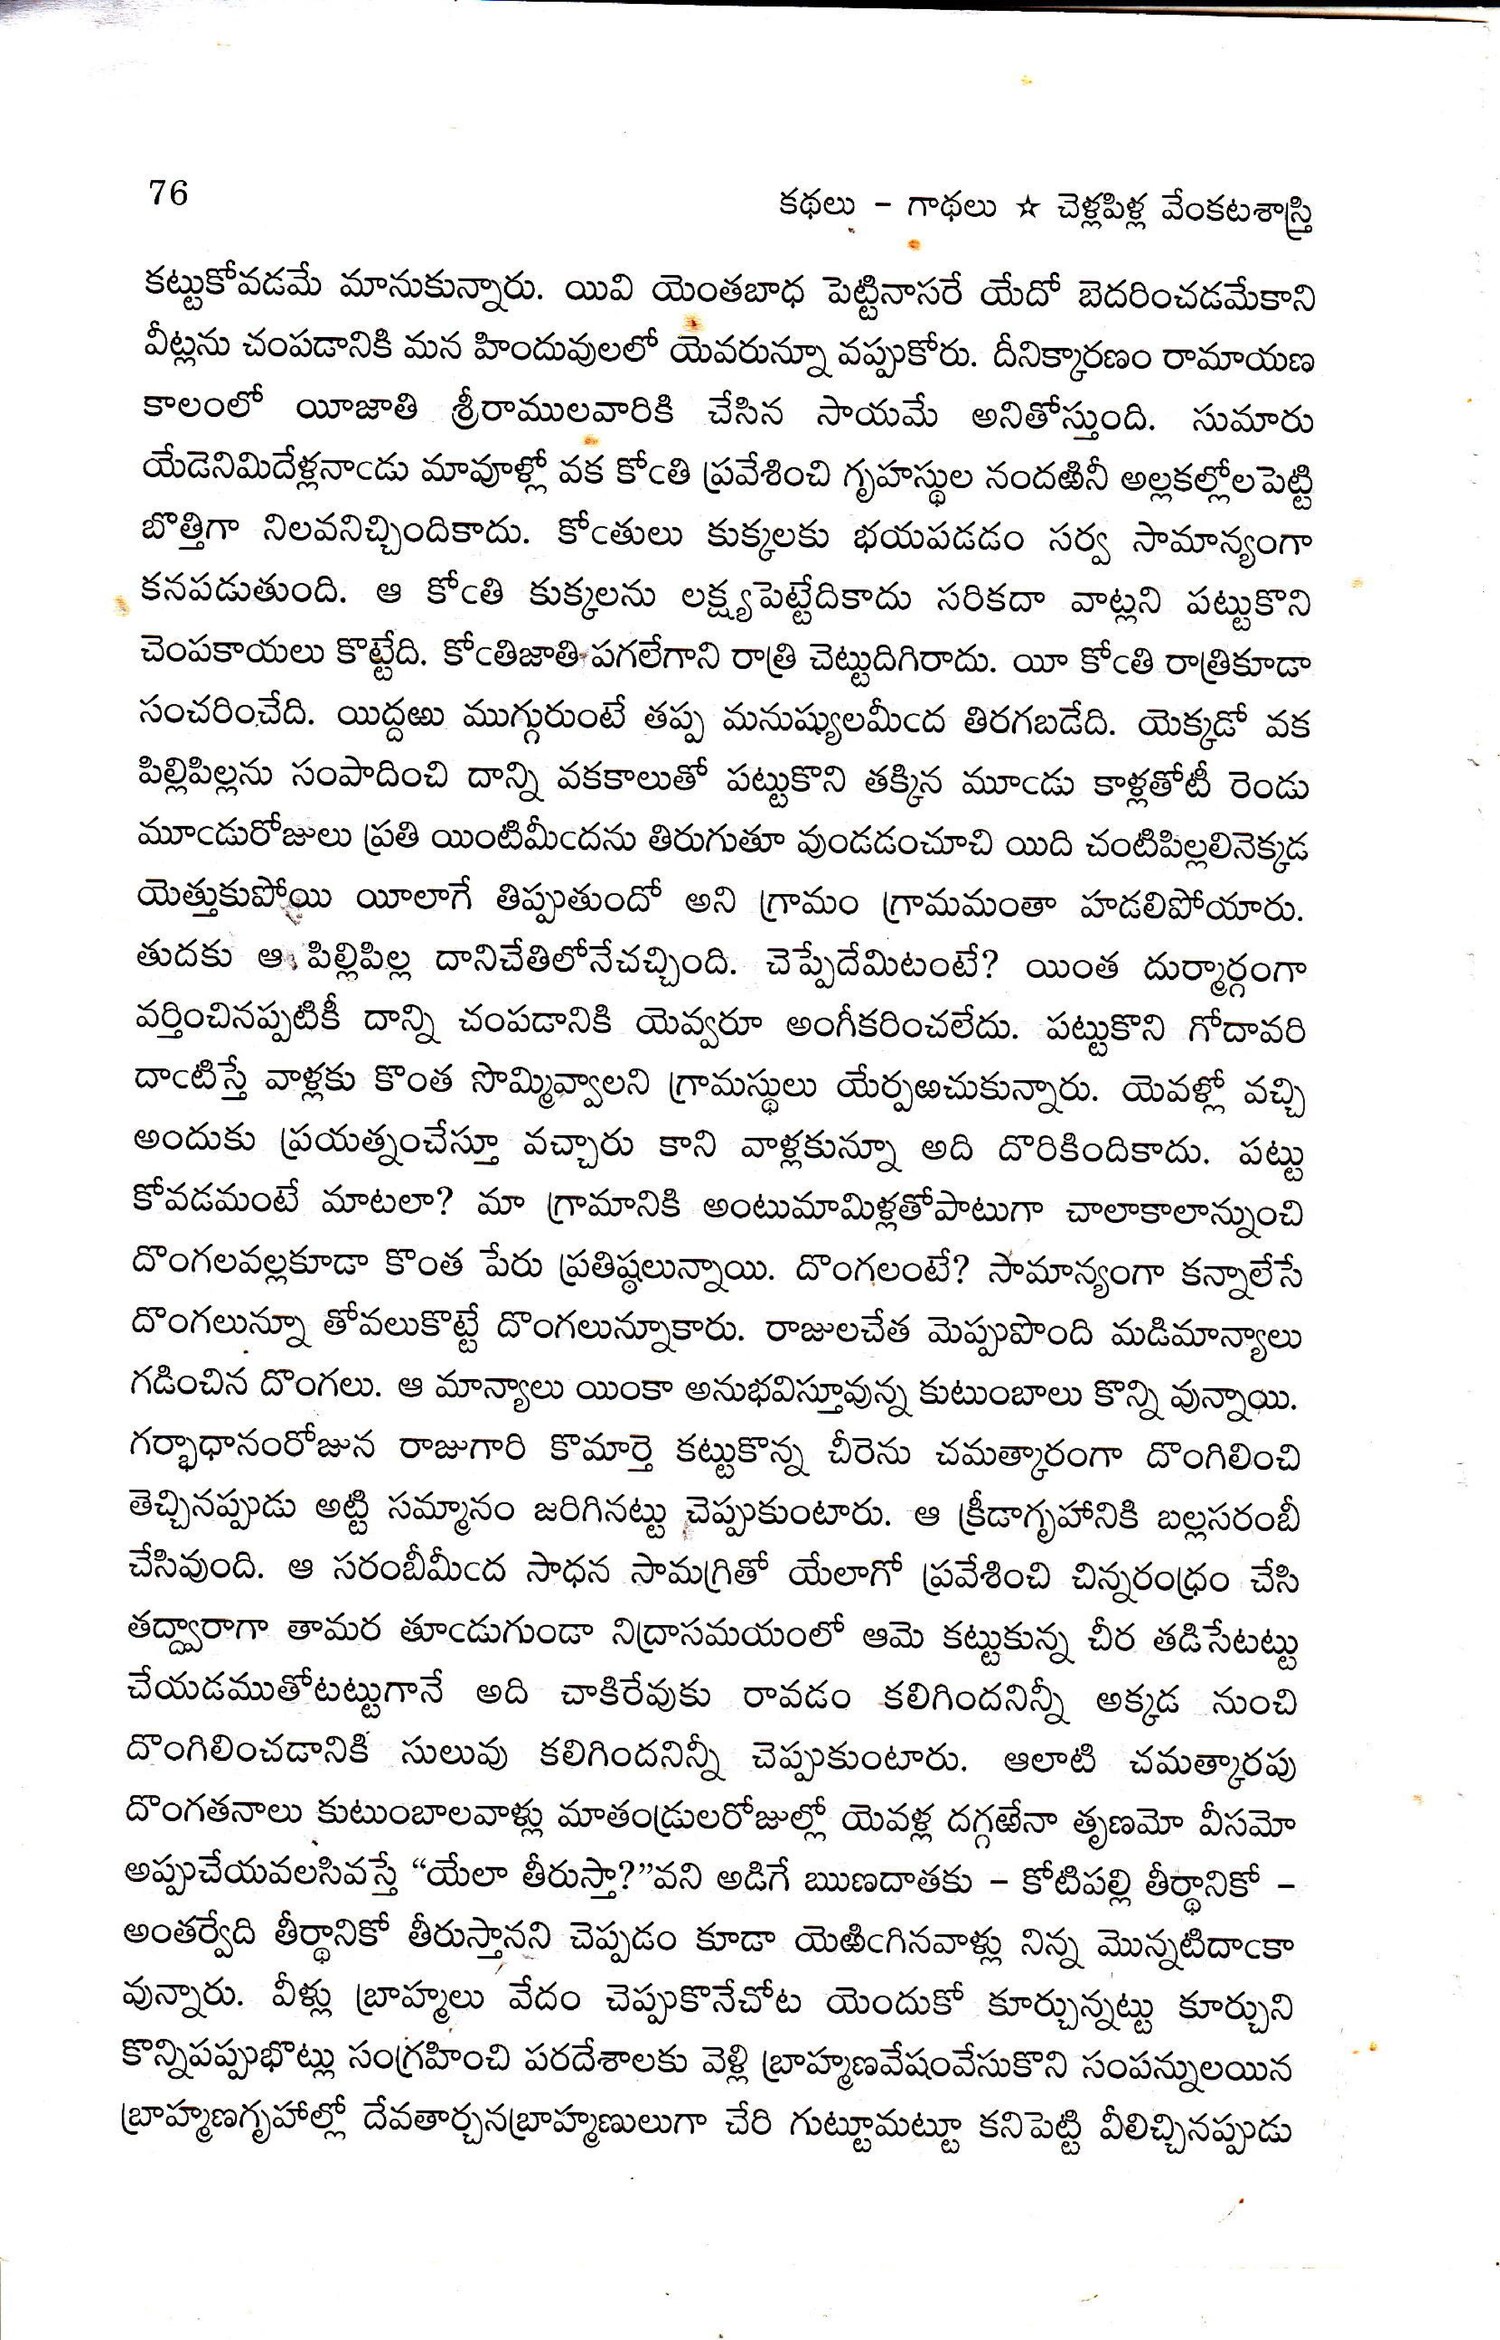కట్టుకోవడమే మానుకున్నారు. యివి యెంతబాధ పెట్టినాసరే యేదో బెదరించడమేకాని వీట్లను చంపడానికి మన హిందువులలో యెవరున్నూవప్పుకోరు. దీనిక్కారణం రామాయణ కాలంలో యీజాతి శ్రీరాములవారికి చేసిన సాయమే అనితోస్తుంది. సుమారు యేడెనిమిదేళ్లనాఁడు మావూల్లో వక కోఁతి ప్రవేశించి గృహస్టుల నందఱినీ అల్లకల్లోలపెట్టి బొత్తిగా నిలవనిచ్చిందికాదు. కోంతులు కుక్కలకు భయపడడం సర్వ సామాన్యంగా
కనపడుతుంది. ఆ కోంతి కుక్కలను లక్ష్యపెట్టేదికాదు సరికదా వాట్లని పట్టుకొని
చెంపకాయలు కొట్టేది. కోఁతిజాతిపగలేగాని రాత్రి చెట్టుదిగిరాదు. యీ కోఁతి రాత్రికూడా సంచరించేది. యిద్దఱు ముగ్గురుంటే తప్ప మనుష్యులమీఁద తిరగబడేది. యెక్కడో వక పిల్లిపిల్లను సంపాదించి దాన్ని వకకాలుతో పట్టుకొని తక్కిన మూండు కాళ్లతోటీ రెండు మూండురోజులు ప్రతి యింటిమీందను తిరుగుతూ వుండడంచూచి యిది చంటిపిల్లలినెక్కడ యెత్తుకుపోయి యీలాగే తిప్పతుందో అని గ్రామం గ్రామమంతా హడలిపోయారు. తుదకు ఆ పిల్లిపిల్ల దానిచేతిలోనే చచ్చింది. చెప్పేదేమిటంటే? యింత దుర్మార్గంగా వర్తించినప్పటికీ దాన్ని చంపడానికి యెవ్వరూ అంగీకరించలేదు. పట్టుకొని గోదావరి దాంటిస్తే వాళ్లకు కొంత సొమ్మివ్వాలని గ్రామస్టులు యేర్పఱచుకున్నారు. యెవశ్లో వచ్చి అందుకు ప్రయత్నంచేస్తూ వచ్చారు కాని వాళ్లకున్నూ అది దొరికిందికాదు. పట్టు కోవడమంటే మాటలా? మా గ్రామానికి అంటుమామిళ్లతోపాటుగా చాలాకాలాన్నుంచి దొంగలవల్లకూడా కొంత పేరు ప్రతిష్టలున్నాయి. దొంగలంటే? సామాన్యంగా కన్నాలేసే దొంగలున్నూ తోవలుకొట్టే దొంగలున్నూకారు. రాజులచేత మెప్పపొంది మడిమాన్యాలు గడించిన దొంగలు. ఆ మాన్యాలు యింకా అనుభవిస్తూవున్న కుటుంబాలు కొన్ని వున్నాయి. గర్భాధానంరోజున రాజుగారి కొమార్తె కట్టుకొన్న చీరెను చమత్కారంగా దొంగిలించి తెచ్చినప్పుడు అట్టి సమ్మానం జరిగినట్టు చెప్పకుంటారు. ఆ క్రీడాగృహానికి బల్లసరంబీ చేసివుంది. ఆ సరంబీమీంద సాధన సామగ్రితో యేలాగో ప్రవేశించి చిన్నరంధ్రం చేసి తద్ద్వారాగా తామర తూండుగుండా నిద్రాసమయంలో ఆమె కట్టుకున్న చీర తడిసేటట్టు చేయడముతోటట్టుగానే అది చాకిరేవుకు రావడం కలిగిందనిన్నీ అక్కడ నుంచి దొంగిలించడానికి సులువు కలిగిందనిన్నీ చెప్పకుంటారు. ఆలాటి చమత్కారపు దొంగతనాలు కుటుంబాలవాళ్లు మాతండ్రులరోజుల్లో యెవళ్ల దగ్గలేనా తృణమో వీసమో అప్పుచేయవలసివస్తే "యేలా తీరుస్తా?"వని అడిగే ఋణదాతకు - కోటిపల్లి తీర్థానికో - అంతర్వేది తీర్ధానికో తీరుస్తానని చెప్పడం కూడా యెఱింగినవాళ్లు నిన్న మొన్నటిదాంకా వున్నారు. వీళ్లు బ్రాహ్మలు వేదం చెప్పకొనేచోట యెందుకో కూర్చున్నట్టు కూర్చుని కొన్నిపప్పభౌట్లు సంగ్రహించి పరదేశాలకు వెళ్లి బ్రాహ్మణవేషంవేసుకొని సంపన్నులయిన బ్రాహ్మణగృహాల్లో దేవతార్చన బ్రాహ్మణులుగా చేరి గుటూమటూ కనిపెట్టి వీలిచ్చినప్పుడు